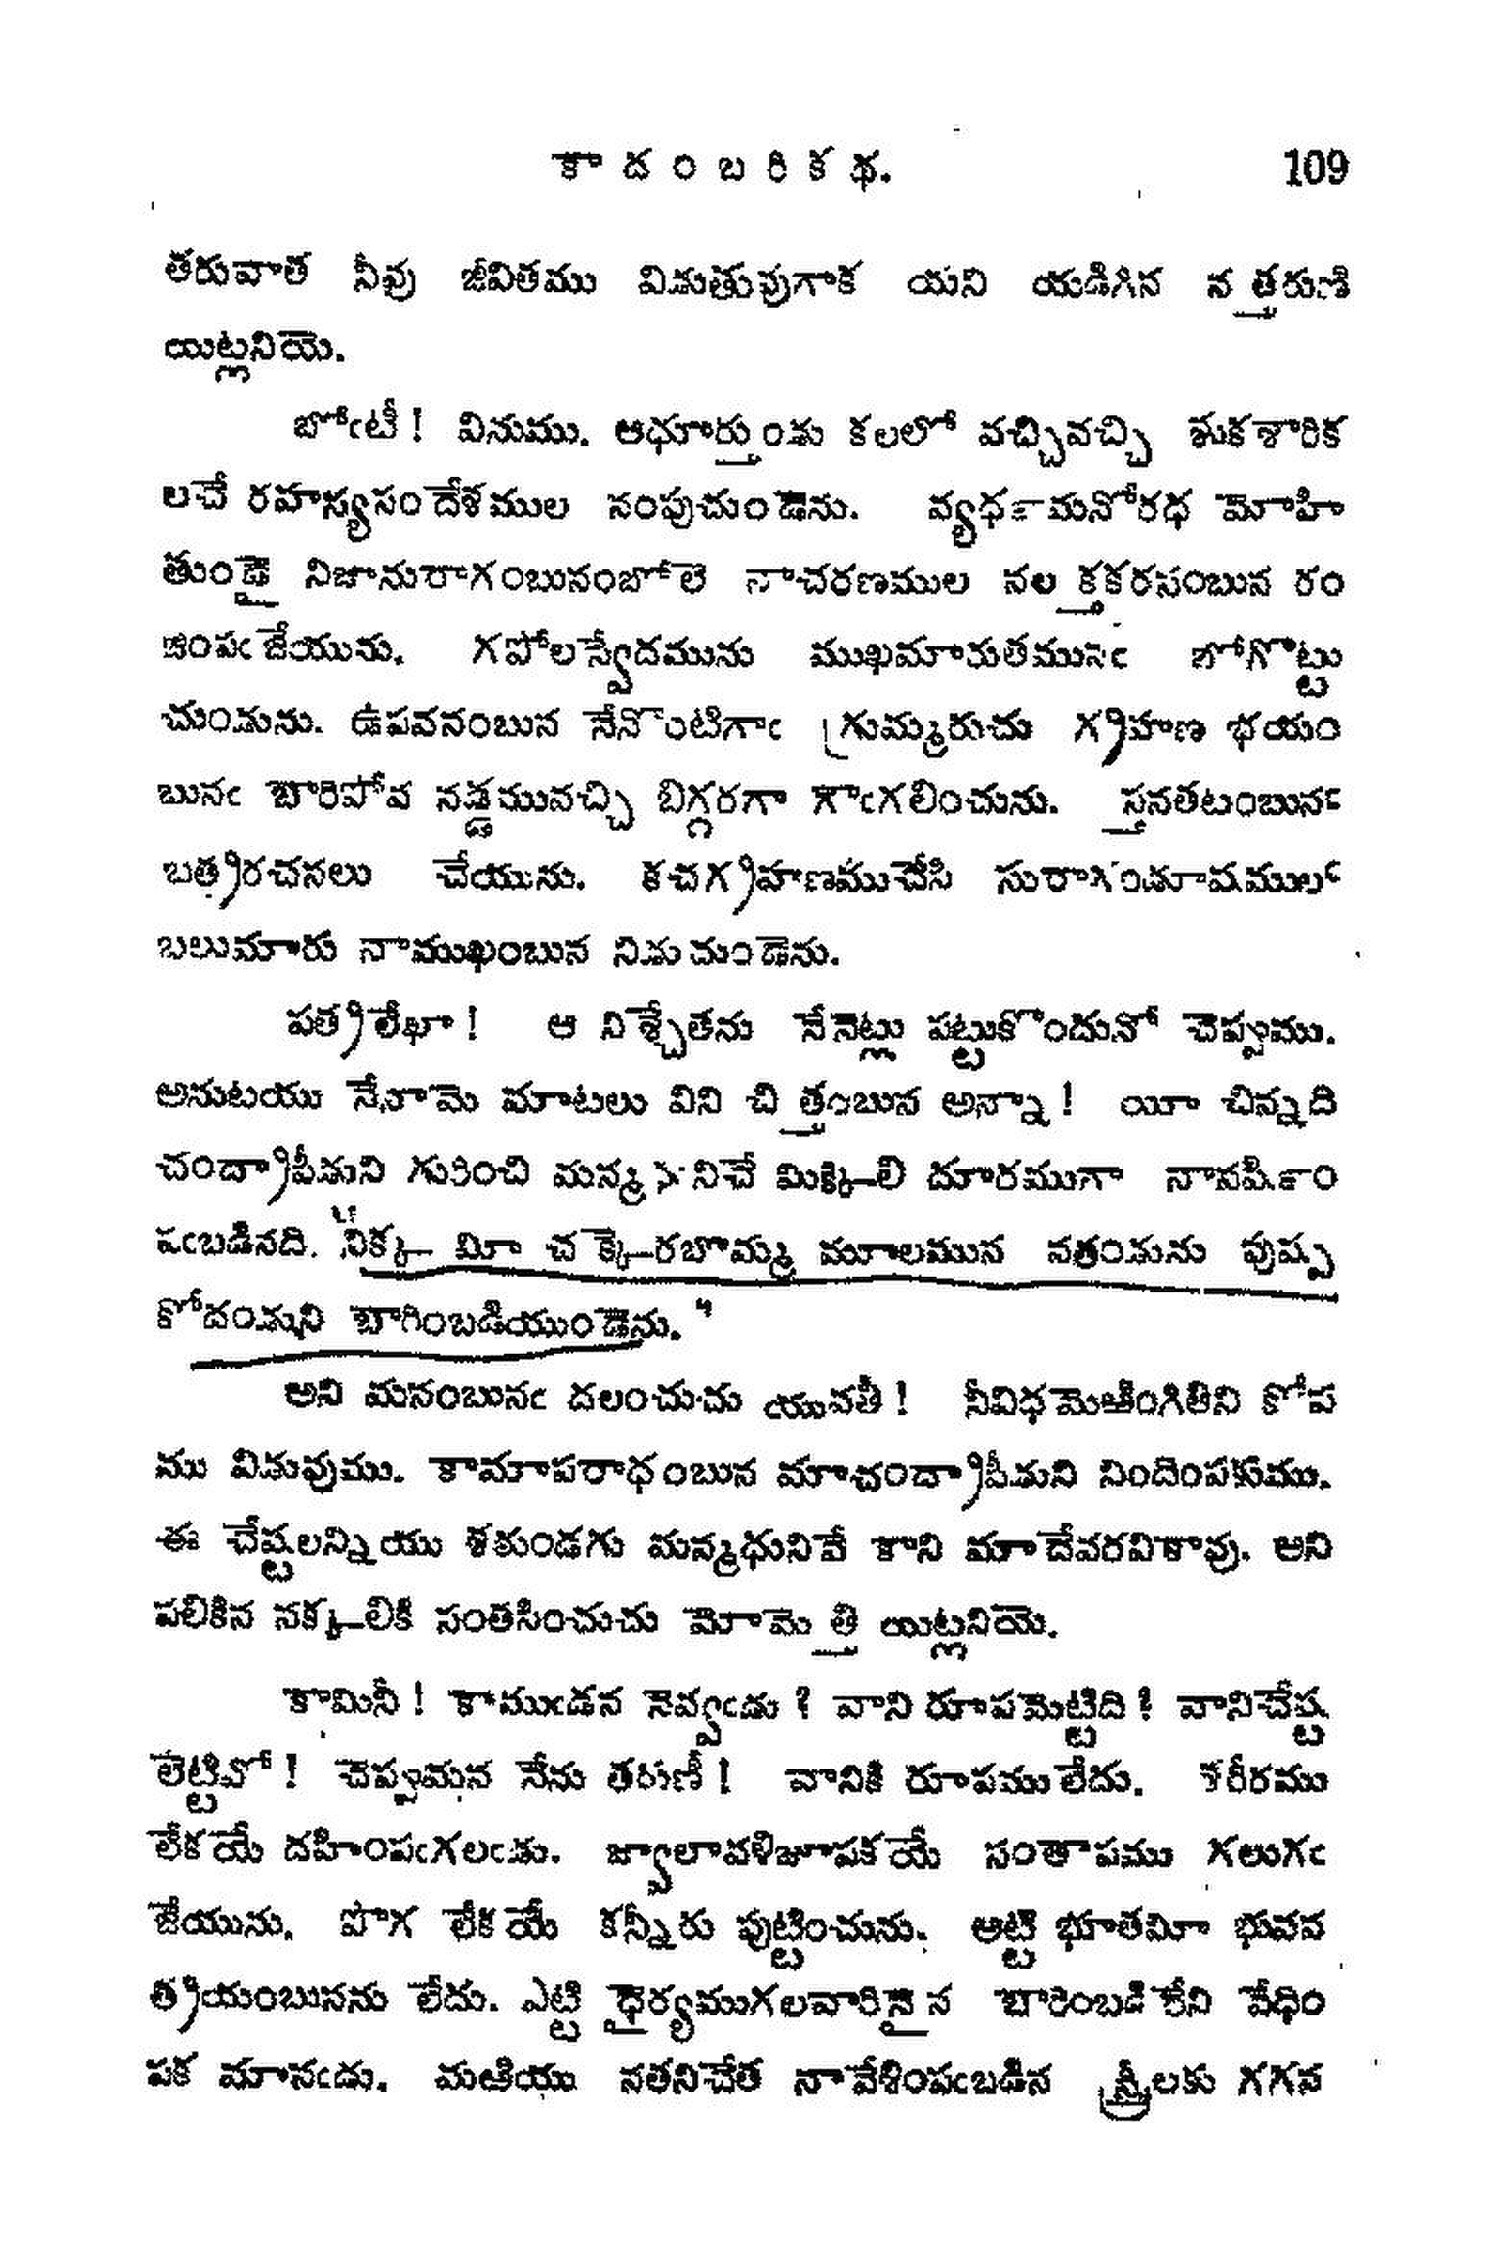తరువాత నీవు జీవితము విడుతువుగాక యని యడిగిన నత్తరుణి యిట్లనియె.

బోఁటీ! వినుము. ఆధూర్తుండు కలలో వచ్చివచ్చి శుకశారికలచే రహస్యసందేశముల నంపుచుండెను. వ్యధ౯మనోరధ మోహితుండై నిజానురాగంబునంబోలె నాచరణముల నలక్తకరసంబున రజింపఁజేయును. గపోలస్వేదమును ముఖమారుతమునఁ బోగొట్టు చుండును. ఉపవనంబున నేనొంటిగాఁ గ్రుమ్మరుచు గ్రహణ భయంబునఁ బారిపోవ నడ్డమువచ్చి బిగ్గరగా గౌఁగలించును. స్తనతటంబునఁ బ్నత్రరచనలు చేయును. కచగ్రహణముచేసి సురాగండూషములఁ బలుమారు నాముఖంబున నిడుచుండెను.

పత్రలేఖా! ఆ నిశ్చేతను నేనెట్లు పట్టుకొందునో చెప్పుము. అనుటయు నేనామె మాటలు విని చిత్తంబున అన్నా! యీ చిన్నది చంద్రాపీడుని గురించి మన్మధునిచే మిక్కిలి దూరముగా నావషి౯ంపఁబడినది. "నిక్క మీ చక్కెరబొమ్మ మూలమున నతండును పుష్ప కోదండుని బాగింబడియుండెను."

అని మనంబునఁ దలంచుచు యువతీ! నీవిధమెఱింగితిని కోపము విడువుము. కామాపరాధంబున మాచంద్రాపీడుని నిందింపకుము. ఈ చేష్టలన్నియు శకుండగు మన్మధునిచే కాని మాదేవరవికావు. అని పలికిన నక్కలికి సంతసించుచు మోమెత్తి యిట్లనియె.

కామినీ! కాముఁడన నెవ్వఁడు? వాని రూపమెట్టిది? వానిచేష్ట లెట్టివో! చెప్పుమన నేను తరుణీ! వానికి రూపములేదు. శరీరము లేకయే దహింపఁగలఁడు. జ్వాలావళిజూపకయే సంతాపము గలుగఁజేయును. పొగ లేకయే కన్నీరు పుట్టించును. అట్టి భూతమీ భువన త్రయంబునను లేదు. ఎట్టి ధైర్యముగలవారినైన బారింబడిరేని వేధింపక మానఁడు. మఱియు నతనిచేత నావేశింపఁబడిన స్త్రీలకు గగన